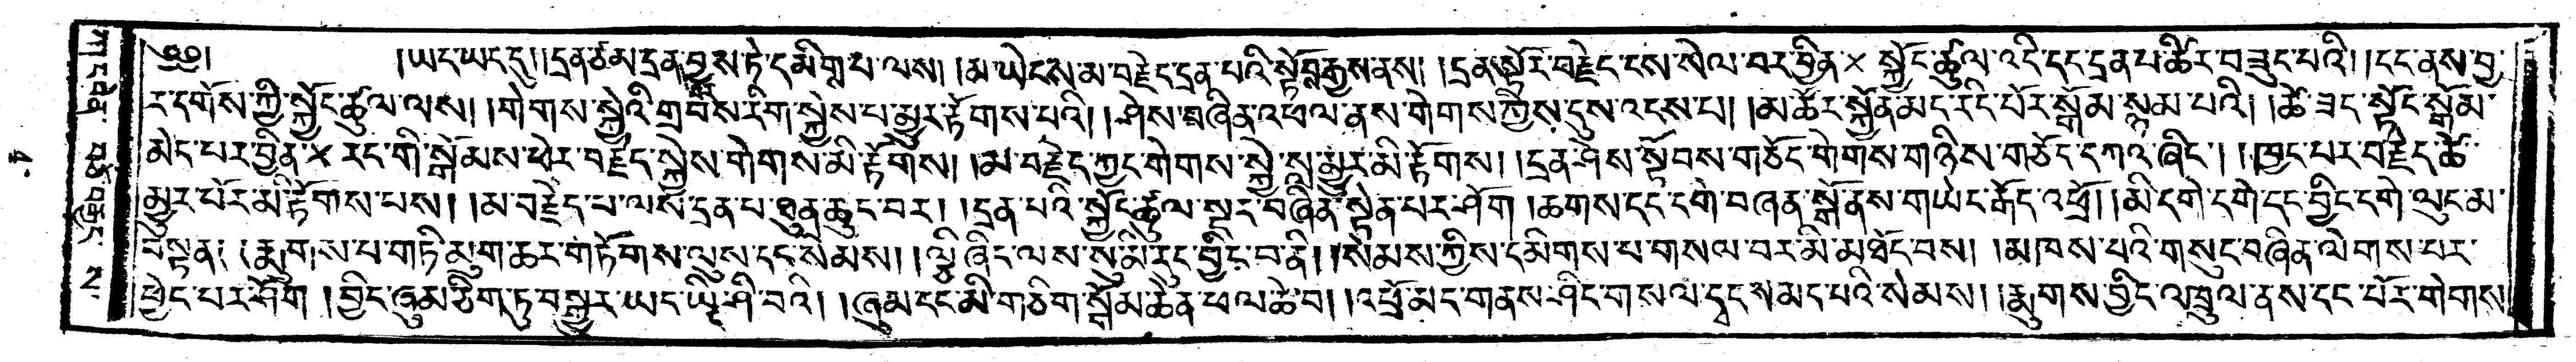༄༅། །ཡང་ཡང་དུ། །དྲན་ཙམ་དྲན་བར་བྱས་ཏེ་དམིགས་པ་ལས། །མ་ཡེངས་མ་བརྗེད་དྲན་པའི་སྟོབས་རྒྱས་ནས། །དྲན་སྟོར་བརྗེད་ངས་སེལ་བར་བྱིན་྾་སྐྱོང་ཚུལ་འདི་དང་དྲན་པ་ཚིར་བཟུང་པའི། །ངང་ནས་བྱ་
ར་དགོས་ཀྱི་སྐྱོང་ཚུལ་ལས། །གེགས་སྐྱེའི་གྲབས་རིག་སྐྱེས་པ་མྱུར་རྟོགས་པའི། །ཤེས་བཞིན་འཕལ་ནས་གེགས་ཀྱིས་དུས་འདས་པ། །མ་ཚོར་སྐྱོན་མང་རིང་པོར་སྒོམ་སྙམ་པའི། །ཚེ་ཟང་སྟོང་སྒོམ་
མེད་པར་བྱིན་྾་རང་གི་སྒོམས་ཕེར་བརྗེད་སྐྱེས་གེགས་མི་རྟོགས། །མ་བརྗེད་ཀྱང་གེགས་སྐྱེ་སླ་མྱུར་མི་རྟོགས། །དྲན་ཤེས་སྟོབས་གཅོད་གེགས་གཉིས་གཅོད་དཀའ་ཞིང་། །ཁྱད་པར་བརྗེད་ཚེ་
མྱུར་པོར་མི་རྟོགས་པས། །མ་བརྗེད་པ་ལས་དྲན་པ་ཐུན་ཆུང་བར། །དྲན་པའི་སྐྱོང་ཚུལ་སྔར་བཞིན་སྟེན་པར་ཤོག །ཆགས་དང་དགེ་བཞན་སྒོ་ནས་གཡེང་རྒོད་འཕྲོ། །མི་དགེ་དགེ་དང་བྱིང་དགེ་ལུང་མ་
བསྟན༑ ༑རྨུགས་པ་གཏི་མུག་ཆར་གཏོགས་ལུས་དང་སེམས། །ལྕི་ཞིང་ལས་སུ་མི་རུང་བྱིང་བ་ནི། །སེམས་ཀྱིས་དམིགས་པ་གསལ་བར་མི་མཐོང་བས། །མཁས་པའི་གསུང་བཞིན་ལེགས་པར་
ཕྱེད་པར་ཤོག །བྱིང་ཞུམ་ཅིག་ཏུ་བསྒྱུར་ཡང་ཡི་ཤི་བའི། །ཞུམ་དང་མི་གཅིག་སྒོམ་ཆེན་ཕལ་ཆེ་བ། །འཕྲོ་མང་གནས་ཤིང་གསལ་དྭངས་མང་པའི་སེམས། །རྨུགས་བྱིང་འཁྲུལ་ནས་དང་པོར་གེགས་